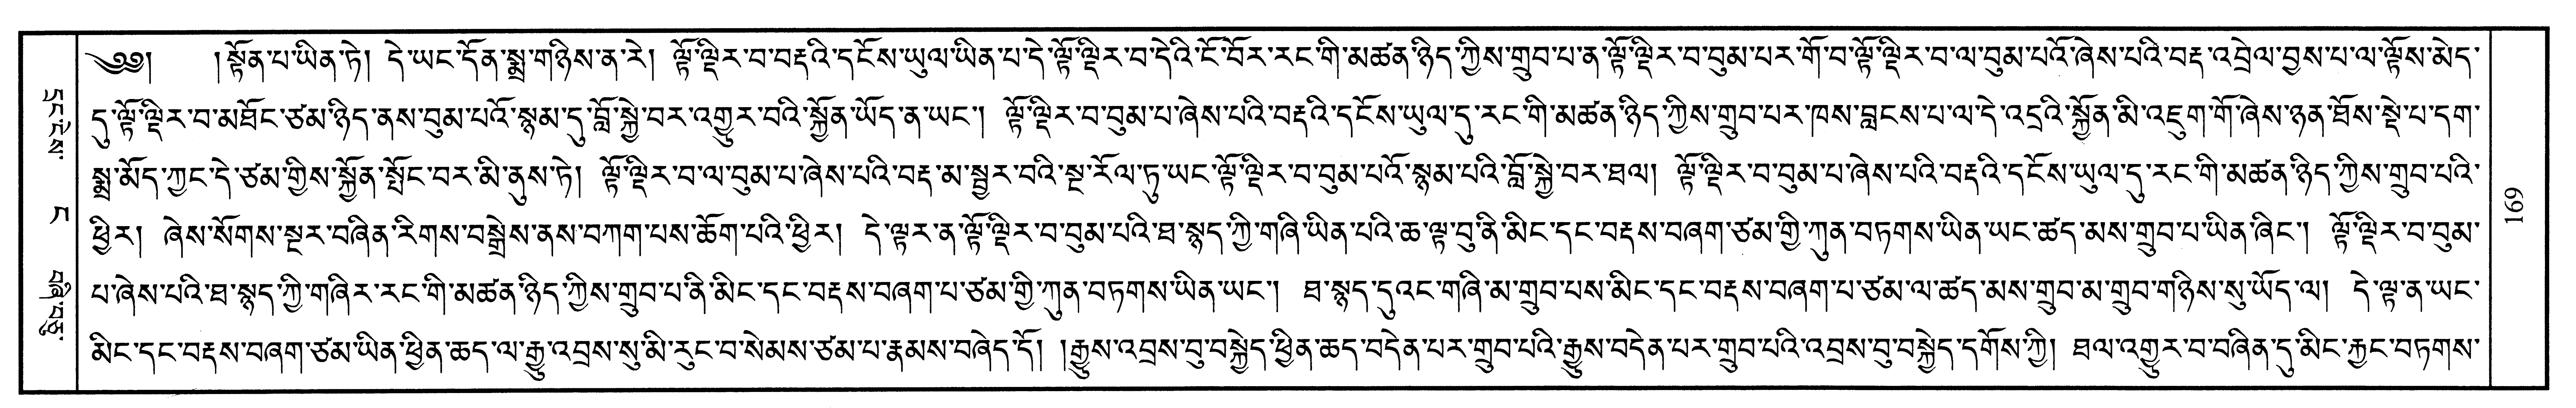༄༅། །སྟོན་པ་ཡིན་ཏེ། དེ་ཡང་དོན་སྨྲ་གཉིས་ན་རེ། ལྟོ་ལྡིར་བ་བརྡའི་དངོས་ཡུལ་ཡིན་པ་དེ་ལྟོ་ལྡིར་བ་དེའི་ངོ་བོར་རང་གི་མཚན་ཉིད་ཀྱིས་གྲུབ་པ་ན་ལྟོ་ལྡིར་བ་བུམ་པར་གོ་བ་ལྟོ་ལྡིར་བ་ལ་བུམ་པའོ་ཞེས་པའི་བརྡ་འབྲེལ་བྱས་པ་ལ་ལྟོས་མེད་
དུ་ལྟོ་ལྡིར་བ་མཐོང་ཙམ་ཉིད་ནས་བུམ་པའོ་སྙམ་དུ་བློ་སྐྱེ་བར་འགྱུར་བའི་སྐྱོན་ཡོད་ན་ཡང་། ལྟོ་ལྡིར་བ་བུམ་པ་ཞེས་པའི་བརྡའི་དངོས་ཡུལ་དུ་རང་གི་མཚན་ཉིད་ཀྱིས་གྲུབ་པར་ཁས་བླངས་པ་ལ་དེ་འདྲའི་སྐྱོན་མི་འཇུག་གོ་ཞེས་ཉན་ཐོས་སྡེ་པ་དག་
སྨྲ་མོད་ཀྱང་དེ་ཙམ་གྱིས་སྐྱོན་སྤོང་བར་མི་ནུས་ཏེ། ལྟོ་ལྡིར་བ་ལ་བུམ་པ་ཞེས་པའི་བརྡ་མ་སྦྱར་བའི་སྔ་རོལ་ཏུ་ཡང་ལྟོ་ལྡིར་བ་བུམ་པའོ་སྙམ་པའི་བློ་སྐྱེ་བར་ཐལ། ལྟོ་ལྡིར་བ་བུམ་པ་ཞེས་པའི་བརྡའི་དངོས་ཡུལ་དུ་རང་གི་མཚན་ཉིད་ཀྱིས་གྲུབ་པའི་
ཕྱིར། ཞེས་སོགས་སྔར་བཞིན་རིགས་བསྒྲེས་ནས་བཀག་པས་ཆོག་པའི་ཕྱིར། དེ་ལྟར་ན་ལྟོ་ལྡིར་བ་བུམ་པའི་ཐ་སྙད་ཀྱི་གཞི་ཡིན་པའི་ཆ་ལྟ་བུ་ནི་མིང་དང་བརྡས་བཞག་ཙམ་གྱི་ཀུན་བཏགས་ཡིན་ཡང་ཚད་མས་གྲུབ་པ་ཡིན་ཞིང་། ལྟོ་ལྡིར་བ་བུམ་
པ་ཞེས་པའི་ཐ་སྙད་ཀྱི་གཞིར་རང་གི་མཚན་ཉིད་ཀྱིས་གྲུབ་པ་ནི་མིང་དང་བརྡས་བཞག་པ་ཙམ་གྱི་ཀུན་བཏགས་ཡིན་ཡང་། ཐ་སྙད་དུའང་གཞི་མ་གྲུབ་པས་མིང་དང་བརྡས་བཞག་པ་ཙམ་ལ་ཚད་མས་གྲུབ་མ་གྲུབ་གཉིས་སུ་ཡོད་ལ། དེ་ལྟ་ན་ཡང་
མིང་དང་བརྡས་བཞག་ཙམ་ཡིན་ཕྱིན་ཆད་ལ་རྒྱུ་འབྲས་སུ་མི་རུང་བ་སེམས་ཙམ་པ་རྣམས་བཞེད་དོ། །རྒྱུས་འབྲས་བུ་བསྐྱེད་ཕྱིན་ཆད་བདེན་པར་གྲུབ་པའི་རྒྱུས་བདེན་པར་གྲུབ་པའི་འབྲས་བུ་བསྐྱེད་དགོས་ཀྱི། ཐལ་འགྱུར་བ་བཞིན་དུ་མིང་རྐྱང་བཏགས་